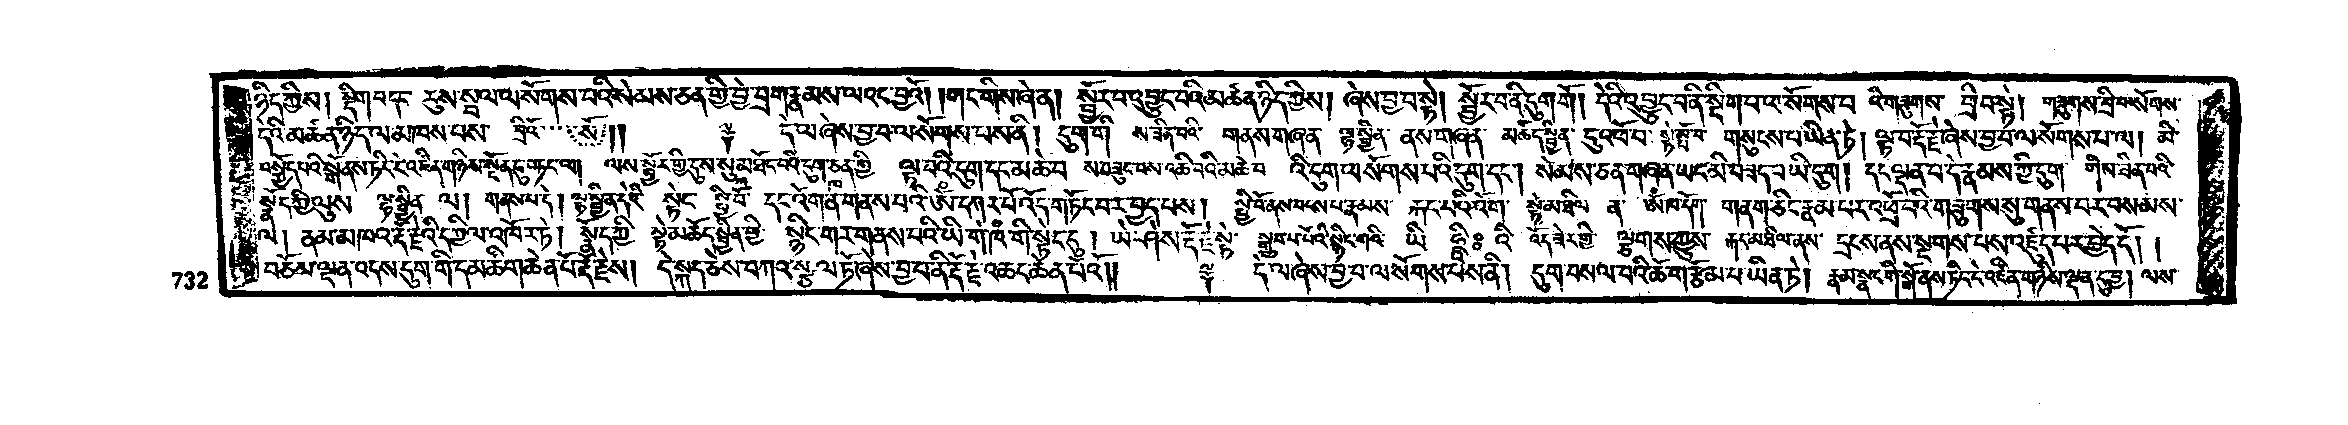ཉིད་ཀྱིས། སྡིག་པ་དང་རུས་སྦལ་ལ་སོགས་པའི་སེམས་ཅན་གྱི་བྱེ་བྲག་རྣམས་ལའང་བྱའོ། །གང་གིས་ཞེ་ན། སྦྱོར་བ་འབྱུང་བའི་མཚན་ཉིད་ཀྱིས། ཞེས་བྱ་བ་སྟེ། སྦྱོར་བ་ནི་དུག་གོ །དེའི་འབྱུང་བ་ནི་སྡིག་པ་ལ་སོགས་པའི་གཟུགས་བྲི་བ་སྟེ། གཟུགས་བྲི་བ་སོགས
དེའི་མཚན་ཉིད་ལ་མཁས་པས་བྲིའོ་སོ།། ༈ དེ་ལ་ཞེས་བྱ་བ་ལ་སོགས་པས་ནི། དུག་གི་ས་ཟིན་པའི་གནས་གཞན་ལྷ་སྦྱིན་ནས་གཞན་མཆོད་སྦྱིན་དུ་འཕོ་བ་སྟེ་སྤོ་བ་གསུངས་པ་ཡིན་ཏེ། ལྟ་བ་རྡོ་རྗེ་ཞེས་བྱ་བ་ལ་སོགས་པ་ལ། མི་
བསྐྱེད་པའི་སྒོ་ནས་ཏིང་ངེ་འཛིན་གཉིས་སྔོན་དུ་བཏང་ལ། ལས་སྦྱོར་གྱི་དུས་སུ་མཐོང་བའི་དུག་ཅན་གྱི་ལྟ་བའི་དུག་དང་མཆེ་བ་ས་བཟུང་བས་འཆི་བ་འི་མཆེ་བའི་དུག་ལ་སོགས་པའི་དུག་དང་། སེམས་ཅན་གཞན་ཡང་མི་བཟད་པ་ཡི་དུག །དང་ལྡན་པ་དེ་རྣམས་ཀྱི་དུག་གིས་ཟིན་པའི
སྣོད་ཀྱི་ལུས་ལྷ་སྦྱིན་ལ། གནས་པ་དེ། ལྷ་སྦྱིན་དེའི་སྟེང་སྤྱི་བོ་དང་འོག་ན་གནས་པའི་ཨོཾ་དཀར་པོ་འོད་གཏོང་བར་བྱད་པས། སྤྱི་བོ་ནས་བདས་པ་རྣམས་རྐང་བའི་འོག་སྟེ་མཐིལ་ན་ཨོཾ་ཁ་དོག་གནག་ཅིང་རྣམ་པར་འཕྲོ་བའི་གཟུགས་སུ་གནས་པར་བསམས་
ལ། ནམ་མཁའ་རྡོ་རྗེའི་དཀྱིལ་འཁོར་ཏེ། སྣོད་ཀྱི་སྟེ་མཆོད་སྦྱིན་གྱི་སྙིང་གར་གནས་པའི་ཡི་གེ་ཁཾ་གི་སྟེང་དུ། ཡེ་ཤེས་རྡོ་རྗེ་སྟེ་སྒྲུབ་པ་པོའི་སྙིང་གའི་ཡི་གེ་ཧྲཱིཿ འི་འོད་ཟེར་གྱི་ལྕགས་ཀྱུས་རྐང་མཐིལ་ནས་དྲངས་ནས་སྔགས་པས་འཛུད་པར་བྱེད་དོ། །
བཅོམ་ལྡན་འདས་དུག་གི་དམ་ཚིག་ཆེན་པོ་རྡོ་རྗེས། དེ་སྐད་ཅེས་བཀའ་སྩལ་ཏོ་ཞེས་བྱ་བ་ནི་རྡོ་རྗེ་འཆང་ཆེན་པོའོ།། ༈ དེ་ལ་ཞེས་བྱ་བ་ལ་སོགས་པས་ནི། དུག་བསལ་བའི་ཆོ་ག་རྩོམ་པ་ཡིན་ཏེ། རྣམ་སྣང་གི་སྒོ་ནས་ཏིང་ངེ་འཛིན་གཉིས་ལྡན་དུ་བྱ། ལས་